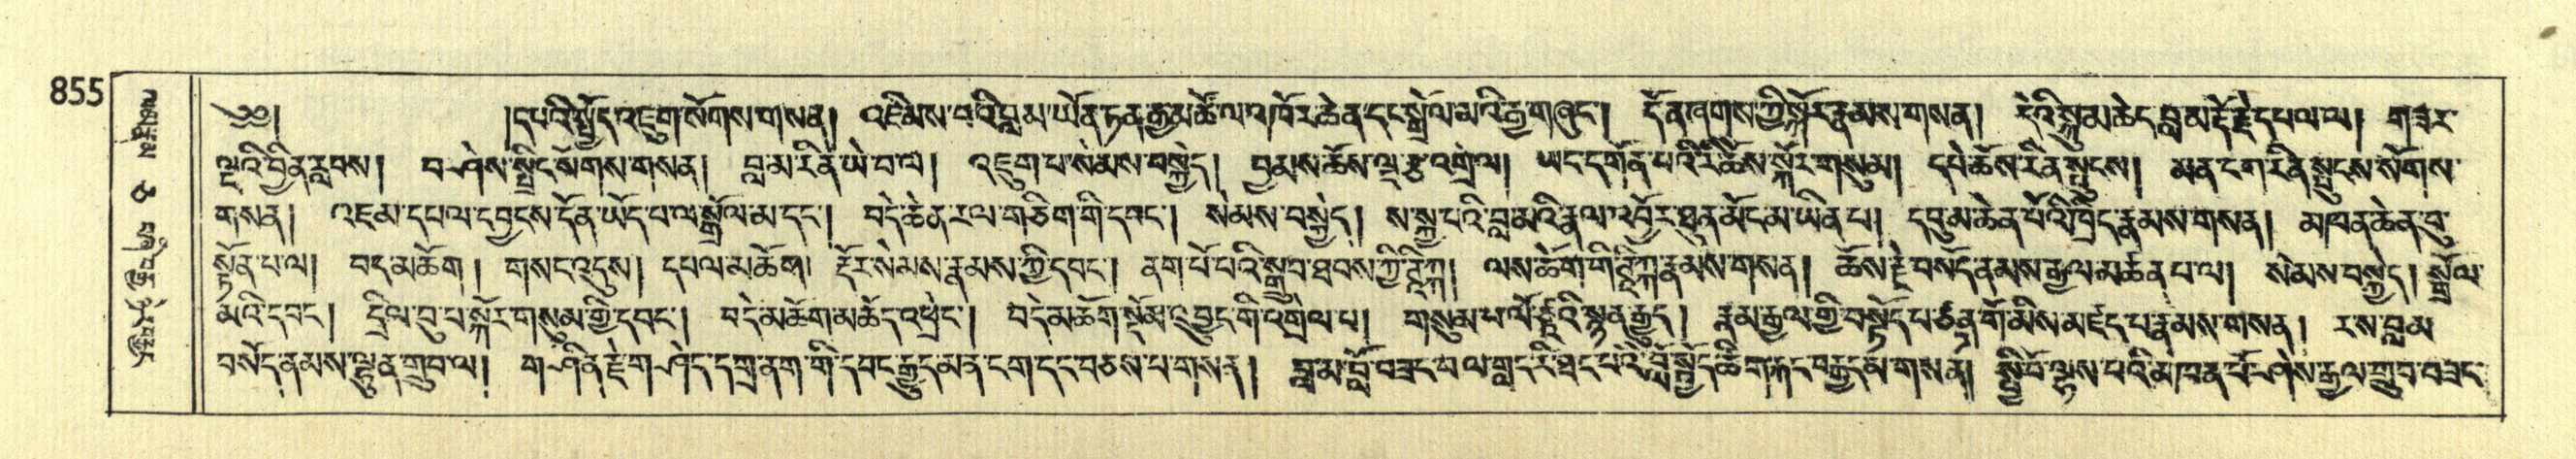༄༅། །དཔའི་སྤྱོད་འཇུག་སོགས་གསན། འཛིམས་བའི་བླ་མ་ཡོན་ཏན་རྒྱ་མཚོ་ལ་འཁོར་ཆེན་དང་སྒྲོལ་མའི་རྒྱ་གཞུང་། དོན་ཞགས་ཀྱི་སྐོར་རྣམས་གསན། དེའི་སྐུ་མཆེད་བླ་མ་རྡོ་རྗེ་དཔལ་ལ། གཟར་
ལྔའི་བྱིན་རླབས། བཤེས་སྤྲིང་སོགས་གསན། བླ་མ་རིན་ཡེ་བ་ལ། འཇུག་པ་སེམས་བསྐྱེད། བྱམས་ཆོས་ལྔ་རྩ་འགྲེལ། ཡང་དགོན་པའི་རི་ཆོས་སྐོར་གསུམ། དཔེ་ཆོས་རིན་སྤུངས། མན་ངག་རིན་སྤུངས་སོགས་
གསན། འཇམ་དཔལ་དབྱངས་དོན་ཡོད་པ་ལ་སྒྲོལ་མ་དང་། བདེ་ཆེན་རལ་གཅིག་གི་དབང་། སེམས་བསྐྱེད། ས་སྐྱ་པའི་བླ་མའི་རྣལ་འབྱོར་ཐུན་མོང་མ་ཡིན་པ། དབུ་མ་ཆེན་པོའི་ཁྲིད་རྣམས་གསན། མཁན་ཆེན་བུ་
སྟོན་པ་ལ། བད་མཆོག། གསང་འདུས། དཔལ་མཆོག། རྡོར་སེམས་རྣམས་ཀྱི་དབང་། ནག་པོ་པའི་སྒྲུབ་ཐབས་ཀྱི་ཊཱིཀྐ། ལས་ཆོག་གི་ཊཱིཀྐ་རྣམས་གསན། ཆོས་རྗེ་བསོད་ནམས་རྒྱལ་མཚན་པ་ལ། སེམས་བསྐྱེད། སྒྲོལ་
མའི་དབང་། དྲིལ་བུ་པ་སྐོར་གསུམ་གྱི་དབང་། བདེ་མཆོག་མཆོད་འཕྲེང་། བདེ་མཆོག་སྡོམ་འབྱུང་གི་འགྲེལ་པ། གསུམ་པ་ལོ་ཙཱའི་སྙན་རྒྱུད། རྣམ་རྒྱལ་གྱི་བསྟོད་པ་ཙནྜ་གོ་མིས་མཛད་པ་རྣམས་གསན། ར་ས་བླ་མ་
བསོད་ནམས་ལྷུན་གྲུབ་ལ། གཤིན་རྗེ་གཤེད་དགྲ་ནག་གི་དབང་རྒྱུད་མན་ངག་དང་བཅས་པ་གསན། བླ་མ་བློ་བཟང་བ་ལ་གླང་རི་ཐང་པའི་བློ་སྤྱོད་ཚིག་རྐང་བརྒྱད་མ་གསན། སྤྱི་བོ་ལྷས་པའི་མཁན་པོ་ཤེས་རྒྱལ་གྲུབ་བཟང་